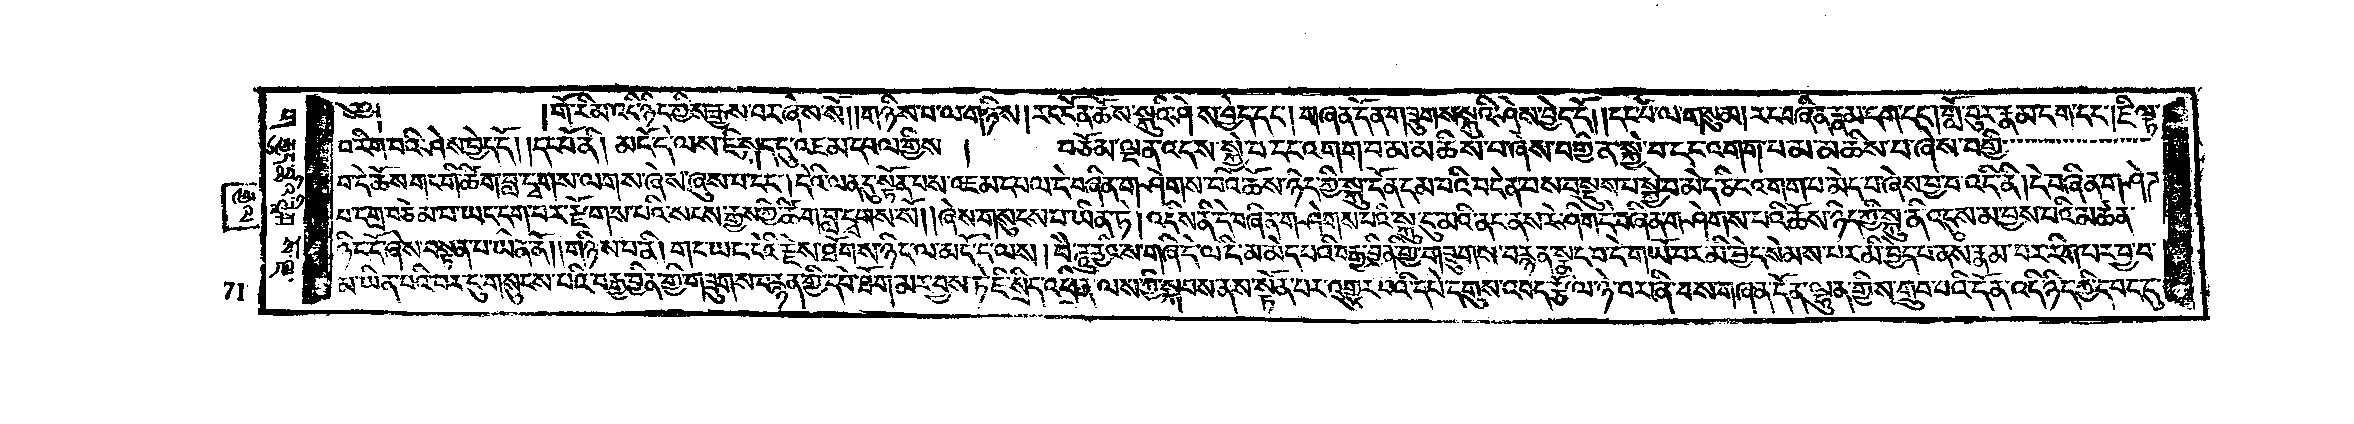༄༅། །གོ་རིམ་འདི་ཉིད་ཀྱིས་རྒྱས་པར་ཞེས་སོ། །གཉིས་པ་ལ་གཉིས། རང་དོན་ཆོས་སྐུའི་ཤེས་བྱེད་དང་། གཞན་དོན་གཟུགས་སྐུའི་ཤེས་བྱེད་དོ། །དང་པོ་ལ་གསུམ། རང་བཞིན་རྣམ་དག་དང་། གློ་བུར་རྣམ་དག་དང་། ཇི་ལྟ་
བ་རིག་པའི་ཤེས་བྱེད་དོ། །དང་པོ་ནི། མདོ་དེ་ལས་ཇི་སྐད་དུ་འཇམ་དཔལ་གྱིས། བཅོམ་ལྡན་འདས་སྐྱེ་བ་དང་འགག་པ་མ་མཆིས་པ་ཞེས་བགྱི་ན་སྐྱེ་བ་དང་འགག་པ་མ་མཆིས་པ་ཞེས་བགྱི་
བ་དེ་ཆོས་གང་གི་ཚིག་བླ་དྭགས་ལགས་ཞེས་ཞུས་པ་དང་། དེའི་ལན་དུ་སྟོན་པས་འཇམ་དཔལ་དེ་བཞིན་གཤེགས་པའི་ཆོས་ཉིད་ཀྱི་སྐུ་དོན་དམ་པའི་བདེན་པས་བསྡུས་པ་སྐྱེ་བ་མེད་ཅིང་འགག་པ་མེད་པ་ཞེས་བྱ་བ་འདི་ནི། དེ་བཞིན་གཤེགས་
པ་དགྲ་བཅོམ་པ་ཡང་དག་པར་རྫོགས་པའི་སངས་རྒྱས་ཀྱི་ཚིགས་བླ་དྭགས་སོ། །ཞེས་གསུངས་པ་ཡིན་ཏེ། འདིས་ནི་དེ་བཞིན་གཤེགས་པའི་སྐུ་དུ་མའི་ནང་ནས་རེ་ཤིག་དེ་བཞིན་གཤེགས་པའི་ཆོས་ཉིད་ཀྱི་སྐུ་ནི་འདུས་མ་བྱས་པའི་མཚན་
ཉིད་དོ་ཞེས་བསྟན་པ་ཡིན་ནོ། །གཉིས་པ་ནི། གང་ཡང་དེའི་རྗེས་ཐོགས་ཉིད་ལ་མདོ་དེ་ལས། བཻ་ཌཱུ་རྒྱའི་ས་གཞི་དེ་ལ་དེ་མ་མེད་པའི་བརྒྱ་བྱིན་གྱི་གཟུགས་བརྙན་སྣང་བ་དེ་གཡོ་བར་མི་བྱེད་སེམས་པར་མི་བྱེད་པ་ནས་རྣམ་པར་རིག་པར་བྱ་བ་
མ་ཡིན་པའི་བར་དུ་གསུངས་པའི་བརྒྱ་བྱིན་གྱི་གཟུགས་བརྙན་གྱི་དཔེ་ཐོག་མར་བྱས་ཏེ་ཇི་སྲིད་འཕྲིན་ལས་ཀྱི་སྐབས་ནས་སྟོན་པར་འགྱུར་བའི་དཔེ་དགུས་འབད་རྩོལ་ཉེ་བར་ཞི་བས་གཞན་དོན་ལྷུན་གྱིས་གྲུབ་པའི་དོན་འདི་ཉིད་ཀྱི་དབང་དུ་